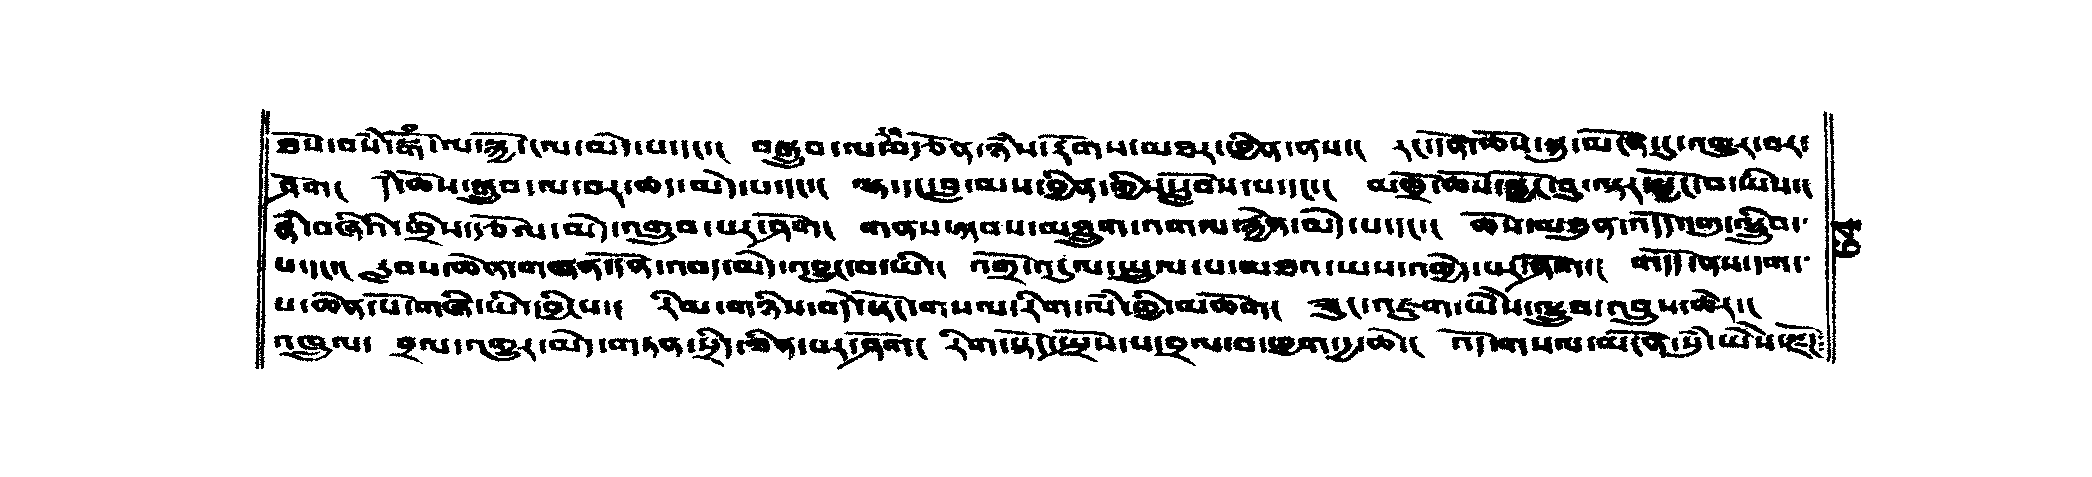།ཐོས་བསམ་སྒོམ་ལ་སྐྱོ་ངལ་མེད་པ་དང་། །བསྒྲུབ་ལ་རབ་བརྩོན་ཉམས་རྟོགས་མཐར་ཕྱིན་ནས། །རང་དོན་ཆོས་སྐུ་མངོན་དུ་འགྱུར་བར་
ཤོག །དམ་ཆོས་སྒྲུབ་ལ་བར་ཆད་མེད་པ་དང་། །ལྷ་དང་བླ་མས་བྱིན་གྱིས་རློབས་པ་དང་། །མཁའ་འགྲོ་ཆོས་སྐྱོང་བུ་ལྟར་སྐྱོང་བ་ཡིས། །
རྣམ་བཞིའི་ཕྲིན་ལས་རྩོལ་མེད་འགྲུབ་པར་ཤོག །གནས་སྐབས་མཐར་ཐུག་འགལ་རྐྱེན་མེད་པ་དང་། །ཆོས་མཐུན་འདོད་དགུ་ལྷུན་གྱིས་གྲུབ་
པ་དང་། །རླབས་ཆེན་གཞན་དོན་འབད་མེད་འབྱུང་བ་ཡི། །འགྲོ་འདུལ་སྤྲུལ་པ་མཐའ་ཡས་འགྱེད་པར་ཤོག །གདོད་ནས་དག་
པ་ཆེན་པོ་གཞི་ཡི་དབྱིངས། །རིམ་གཉིས་བདེ་སྟོང་གསལ་རིག་ལམ་གྱི་མཆོག །ཟུང་འཇུག་ཡེ་ཤེས་ལྷུན་གྲུབ་འབྲས་བུ་ཆེར། །
འཁྲུལ་བྲལ་འགྱུར་མེད་གཏན་སྲིད་ཟིན་པར་ཤོག །རིག་སྟོང་སྤྲོས་པ་བྲལ་བ་ཕྱག་རྒྱ་ཆེ། །འོད་གསལ་མངོན་སུམ་ཡེ་ཤེས་རྫོགས་